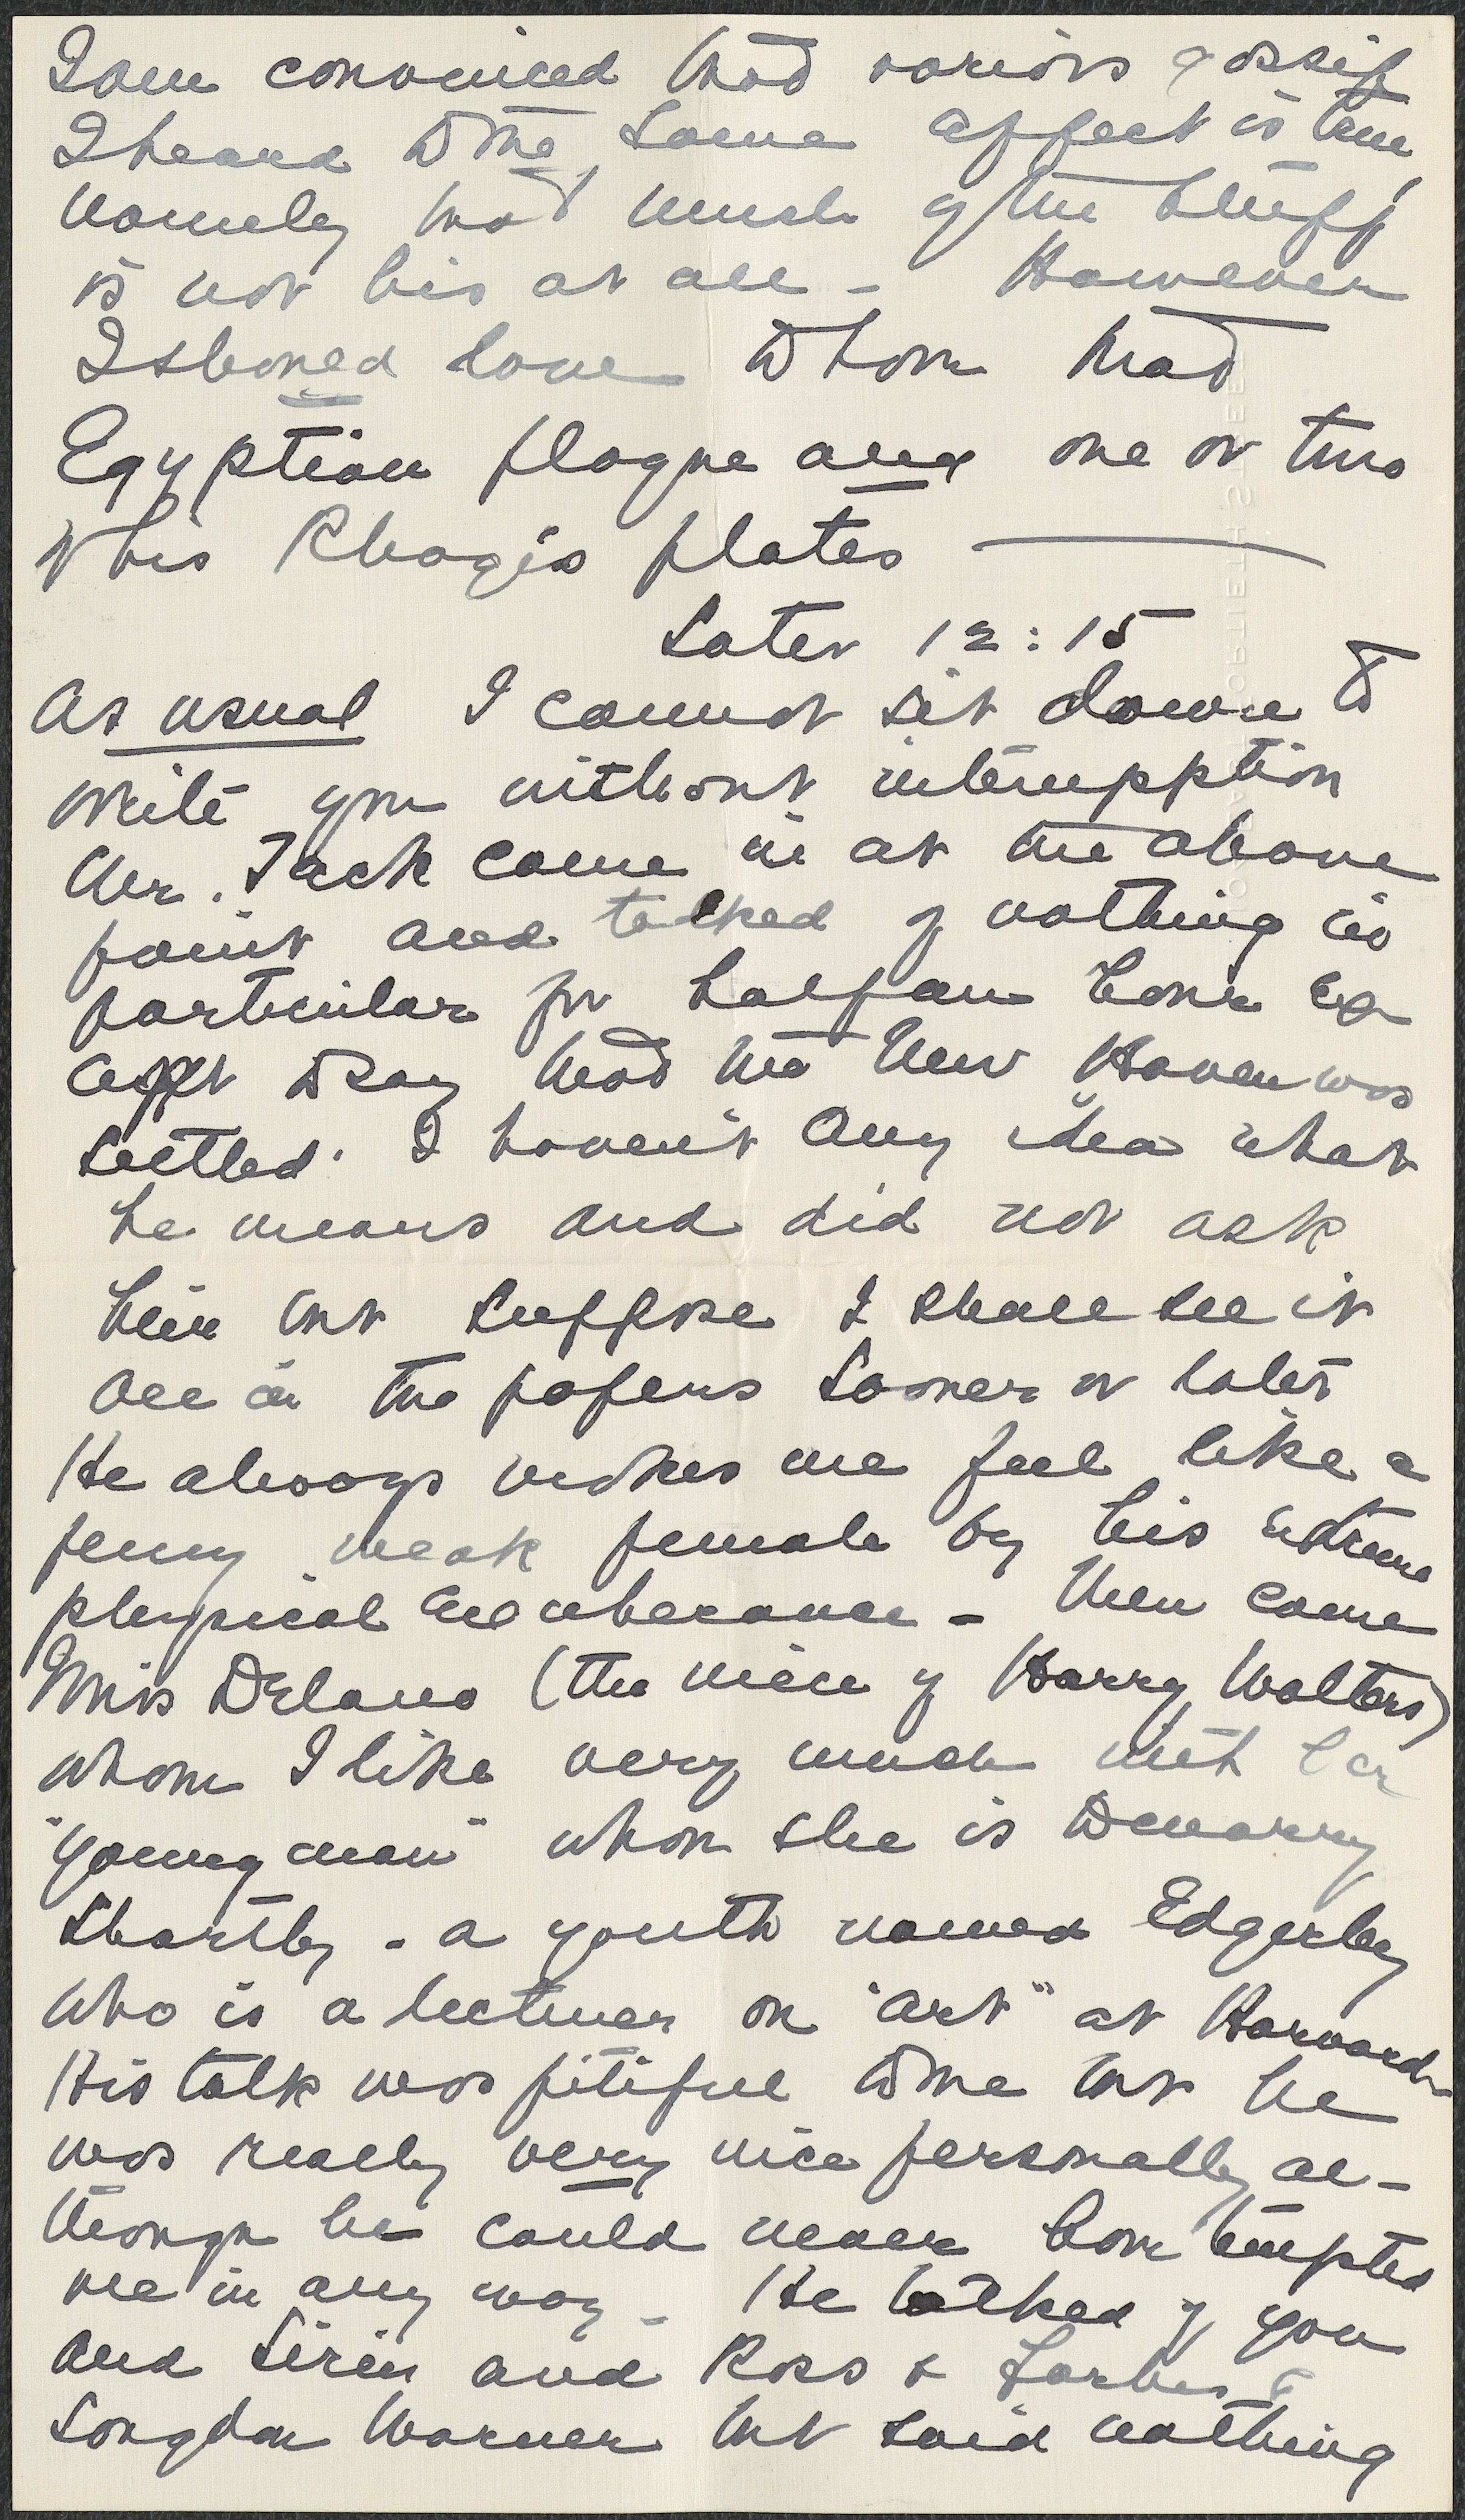I am convinced that various gossip I heard to the same effect is true namely that much of the stuff is not his at all – However I should love to have that Egyptian plaque and one or two of his Rhogis plates –
Later 12:15
As usual I cannot sit down to write you without interruption
Mr. Jack came in at the above point and talked of nothing in particular for half an hour except to say that the New Haven was settled. I haven’t any idea what he means and did not ask him but suppose I shall see it all in the papers sooner or later He always makes me feel like a puny weak female by his extreme physical exuberance – then came Miss Delano (the niece of Harry Walters) whom I like very much with her “young man” whom she is to marry shortly – a youth named Edgerley who is a lecturer on “art” at Harvard – His talk was pitiful to me but he was really very nice personally although he could never have tempted me in any way – He talked of you and Sirén and Ross & Forbes & Langdon Warner but said nothing